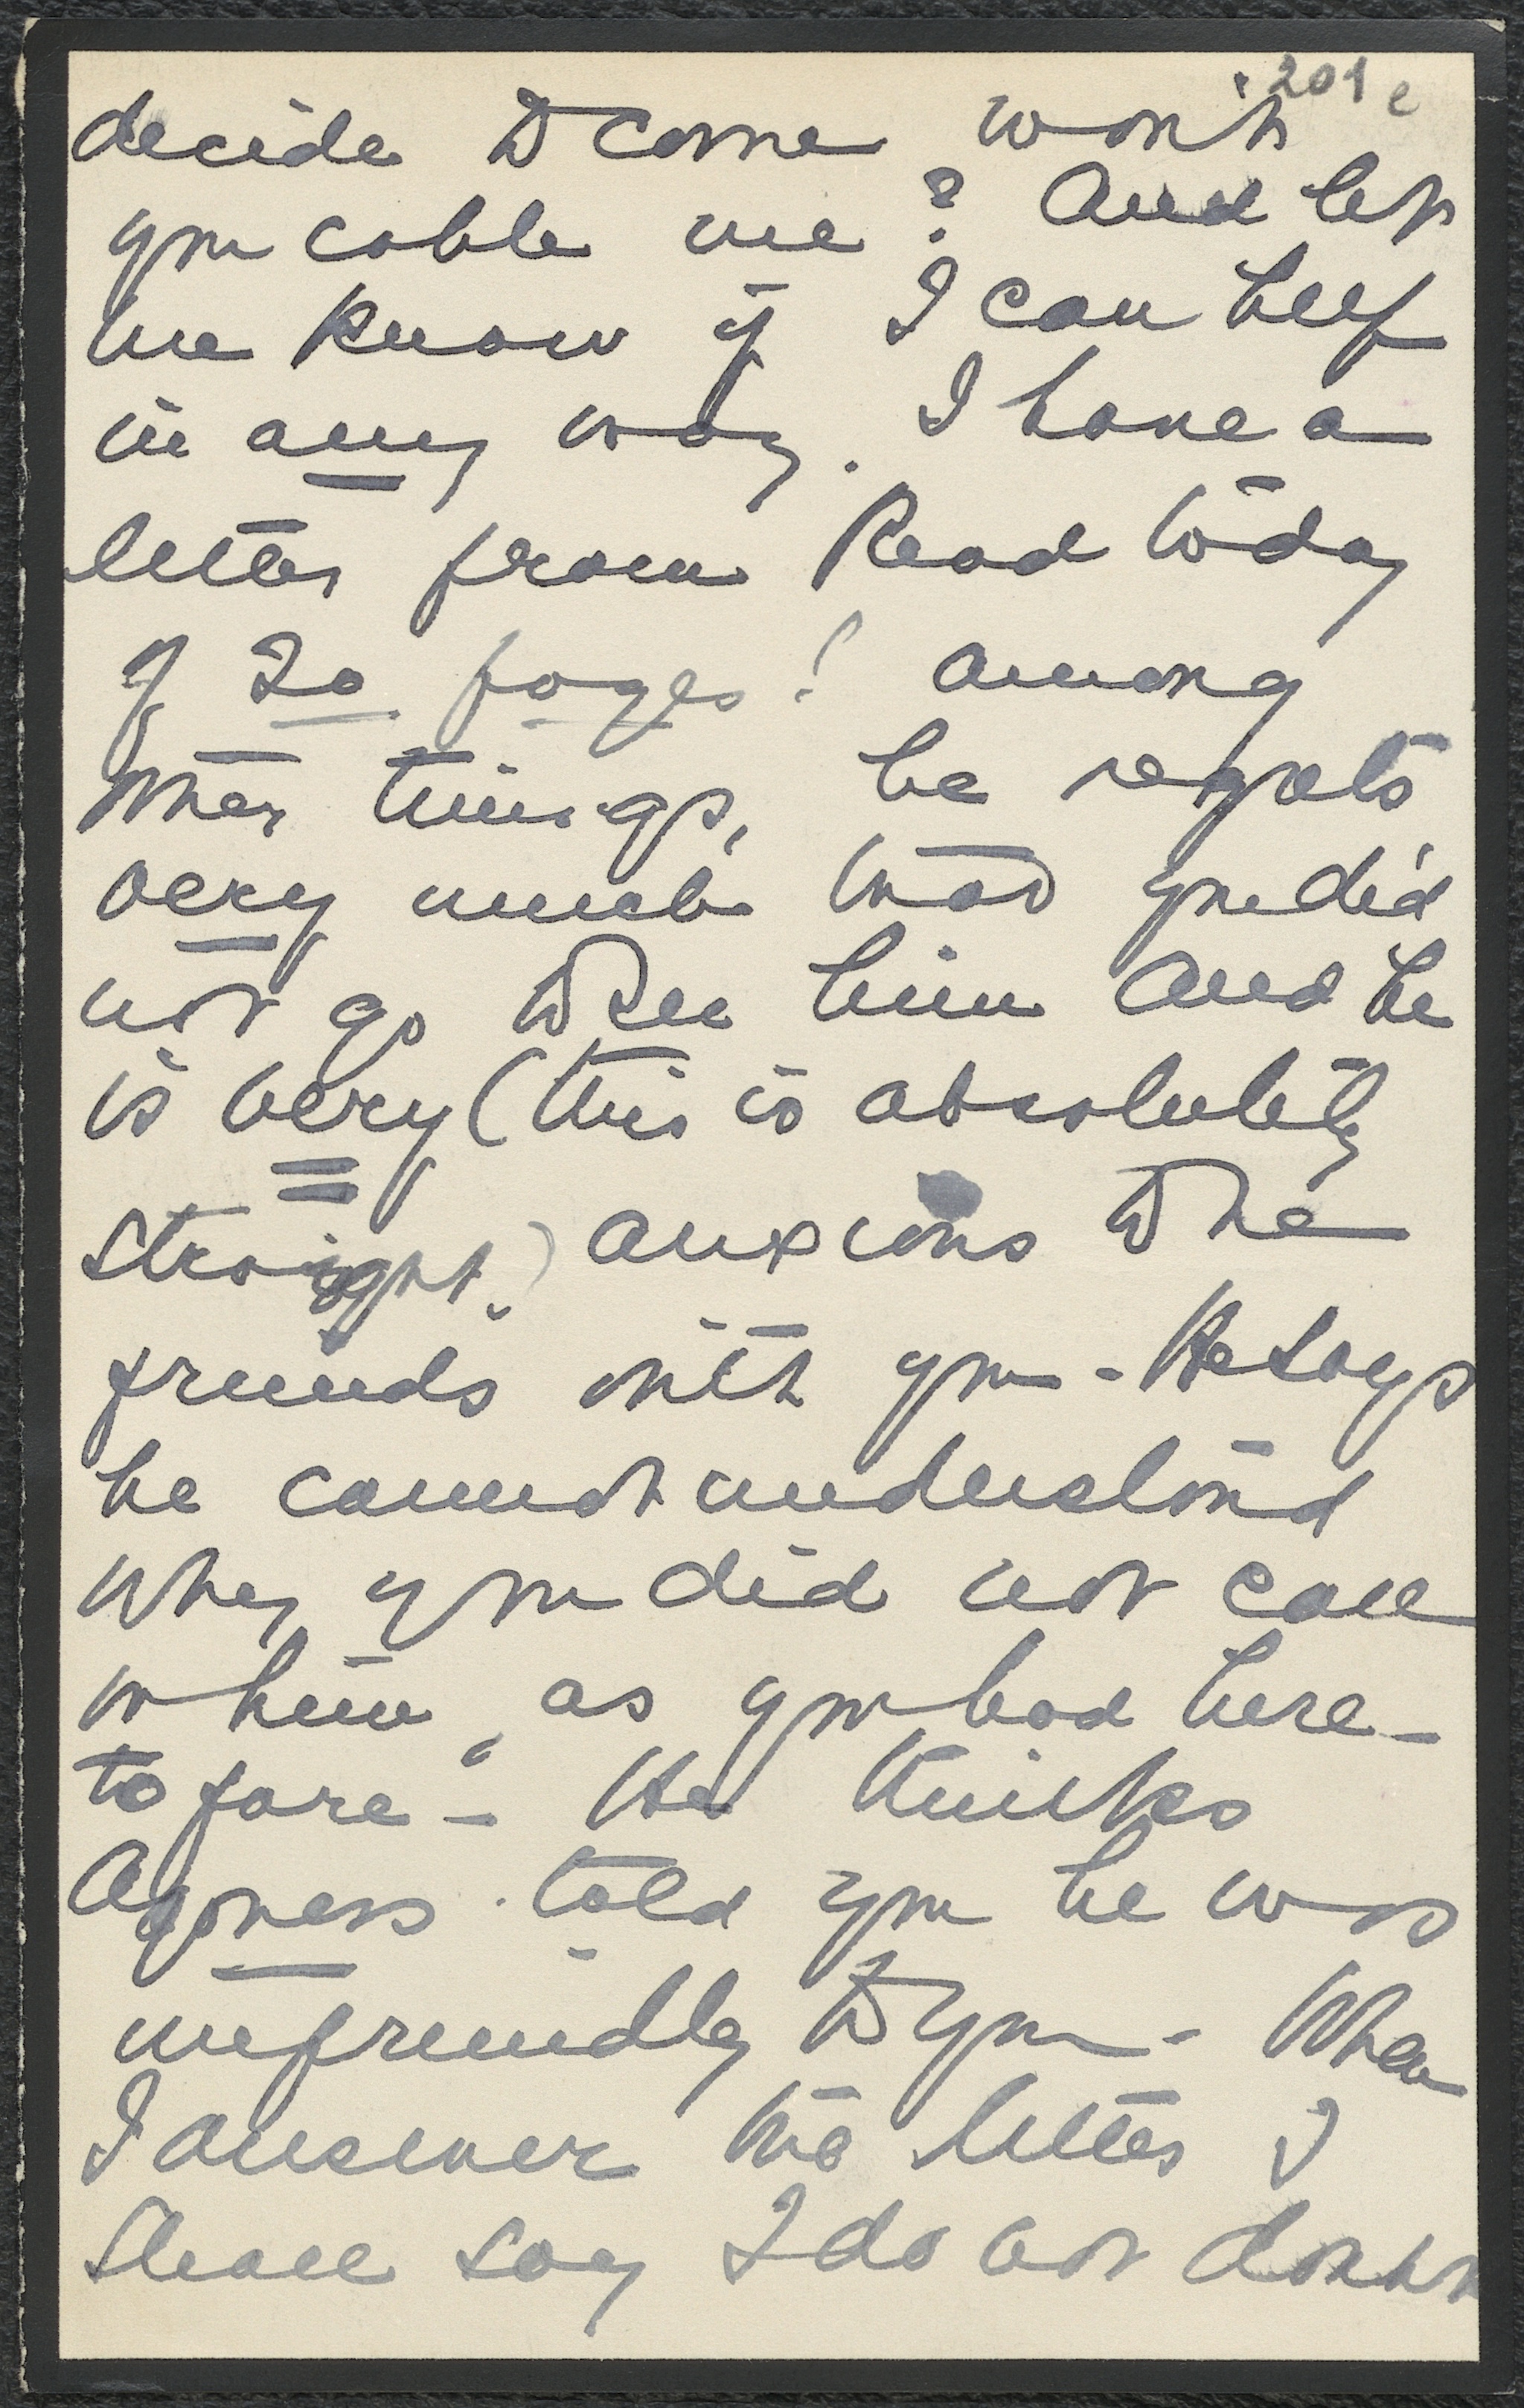decide to come won't you cable me? And let me know if I can help in any way. I have a letter from Read today of 20 pages! Among other things, he regrets very much that you did not go to see him and he is [double underlined: very] (this is absolutely straight) anxious to be friends with you – He says he cannot understand why you did not call on him, as you had heretofore – He thinks Agoness told you he was unfriendly to you – When I answer the letter I shall say I do not doubt